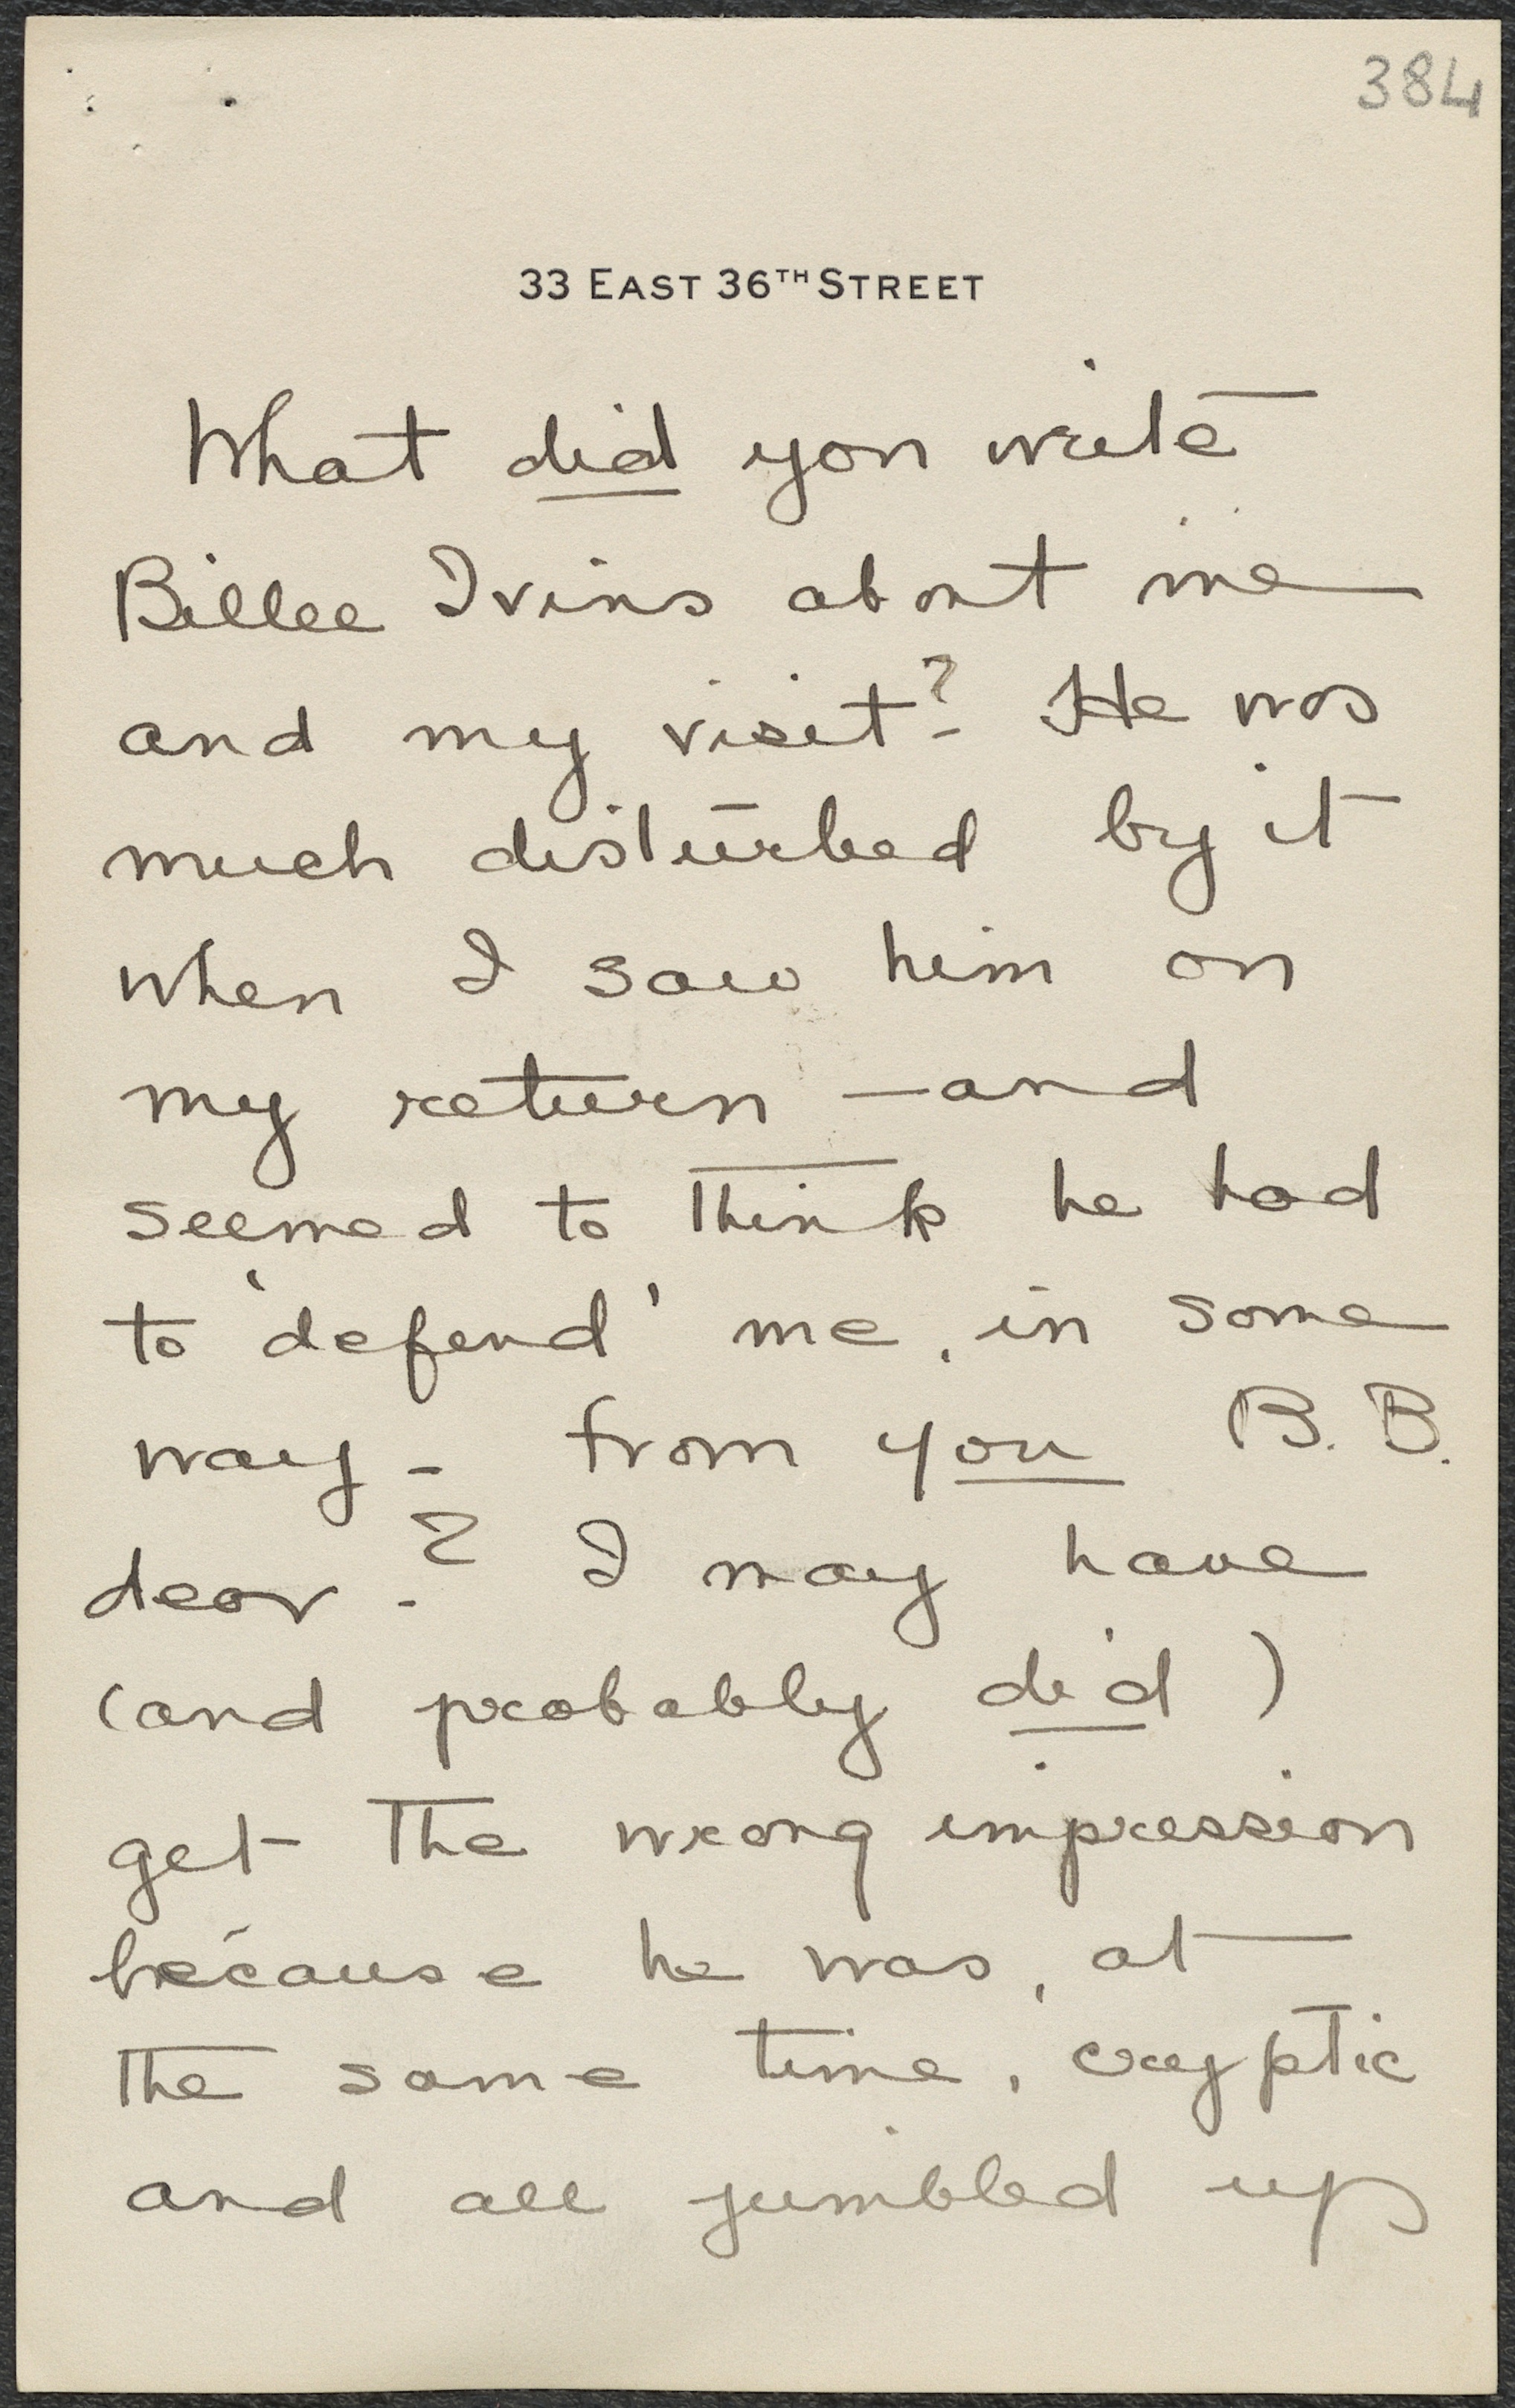What did you write Billee Ivins about me and my visit? He was much disturbed by it when I saw him on my return – and seemed to think he had to 'defend' me, in some way – from you B.B dear? I may have (and probably did) get the wrong impression because he was, at the same time, cryptic and all jumbled up